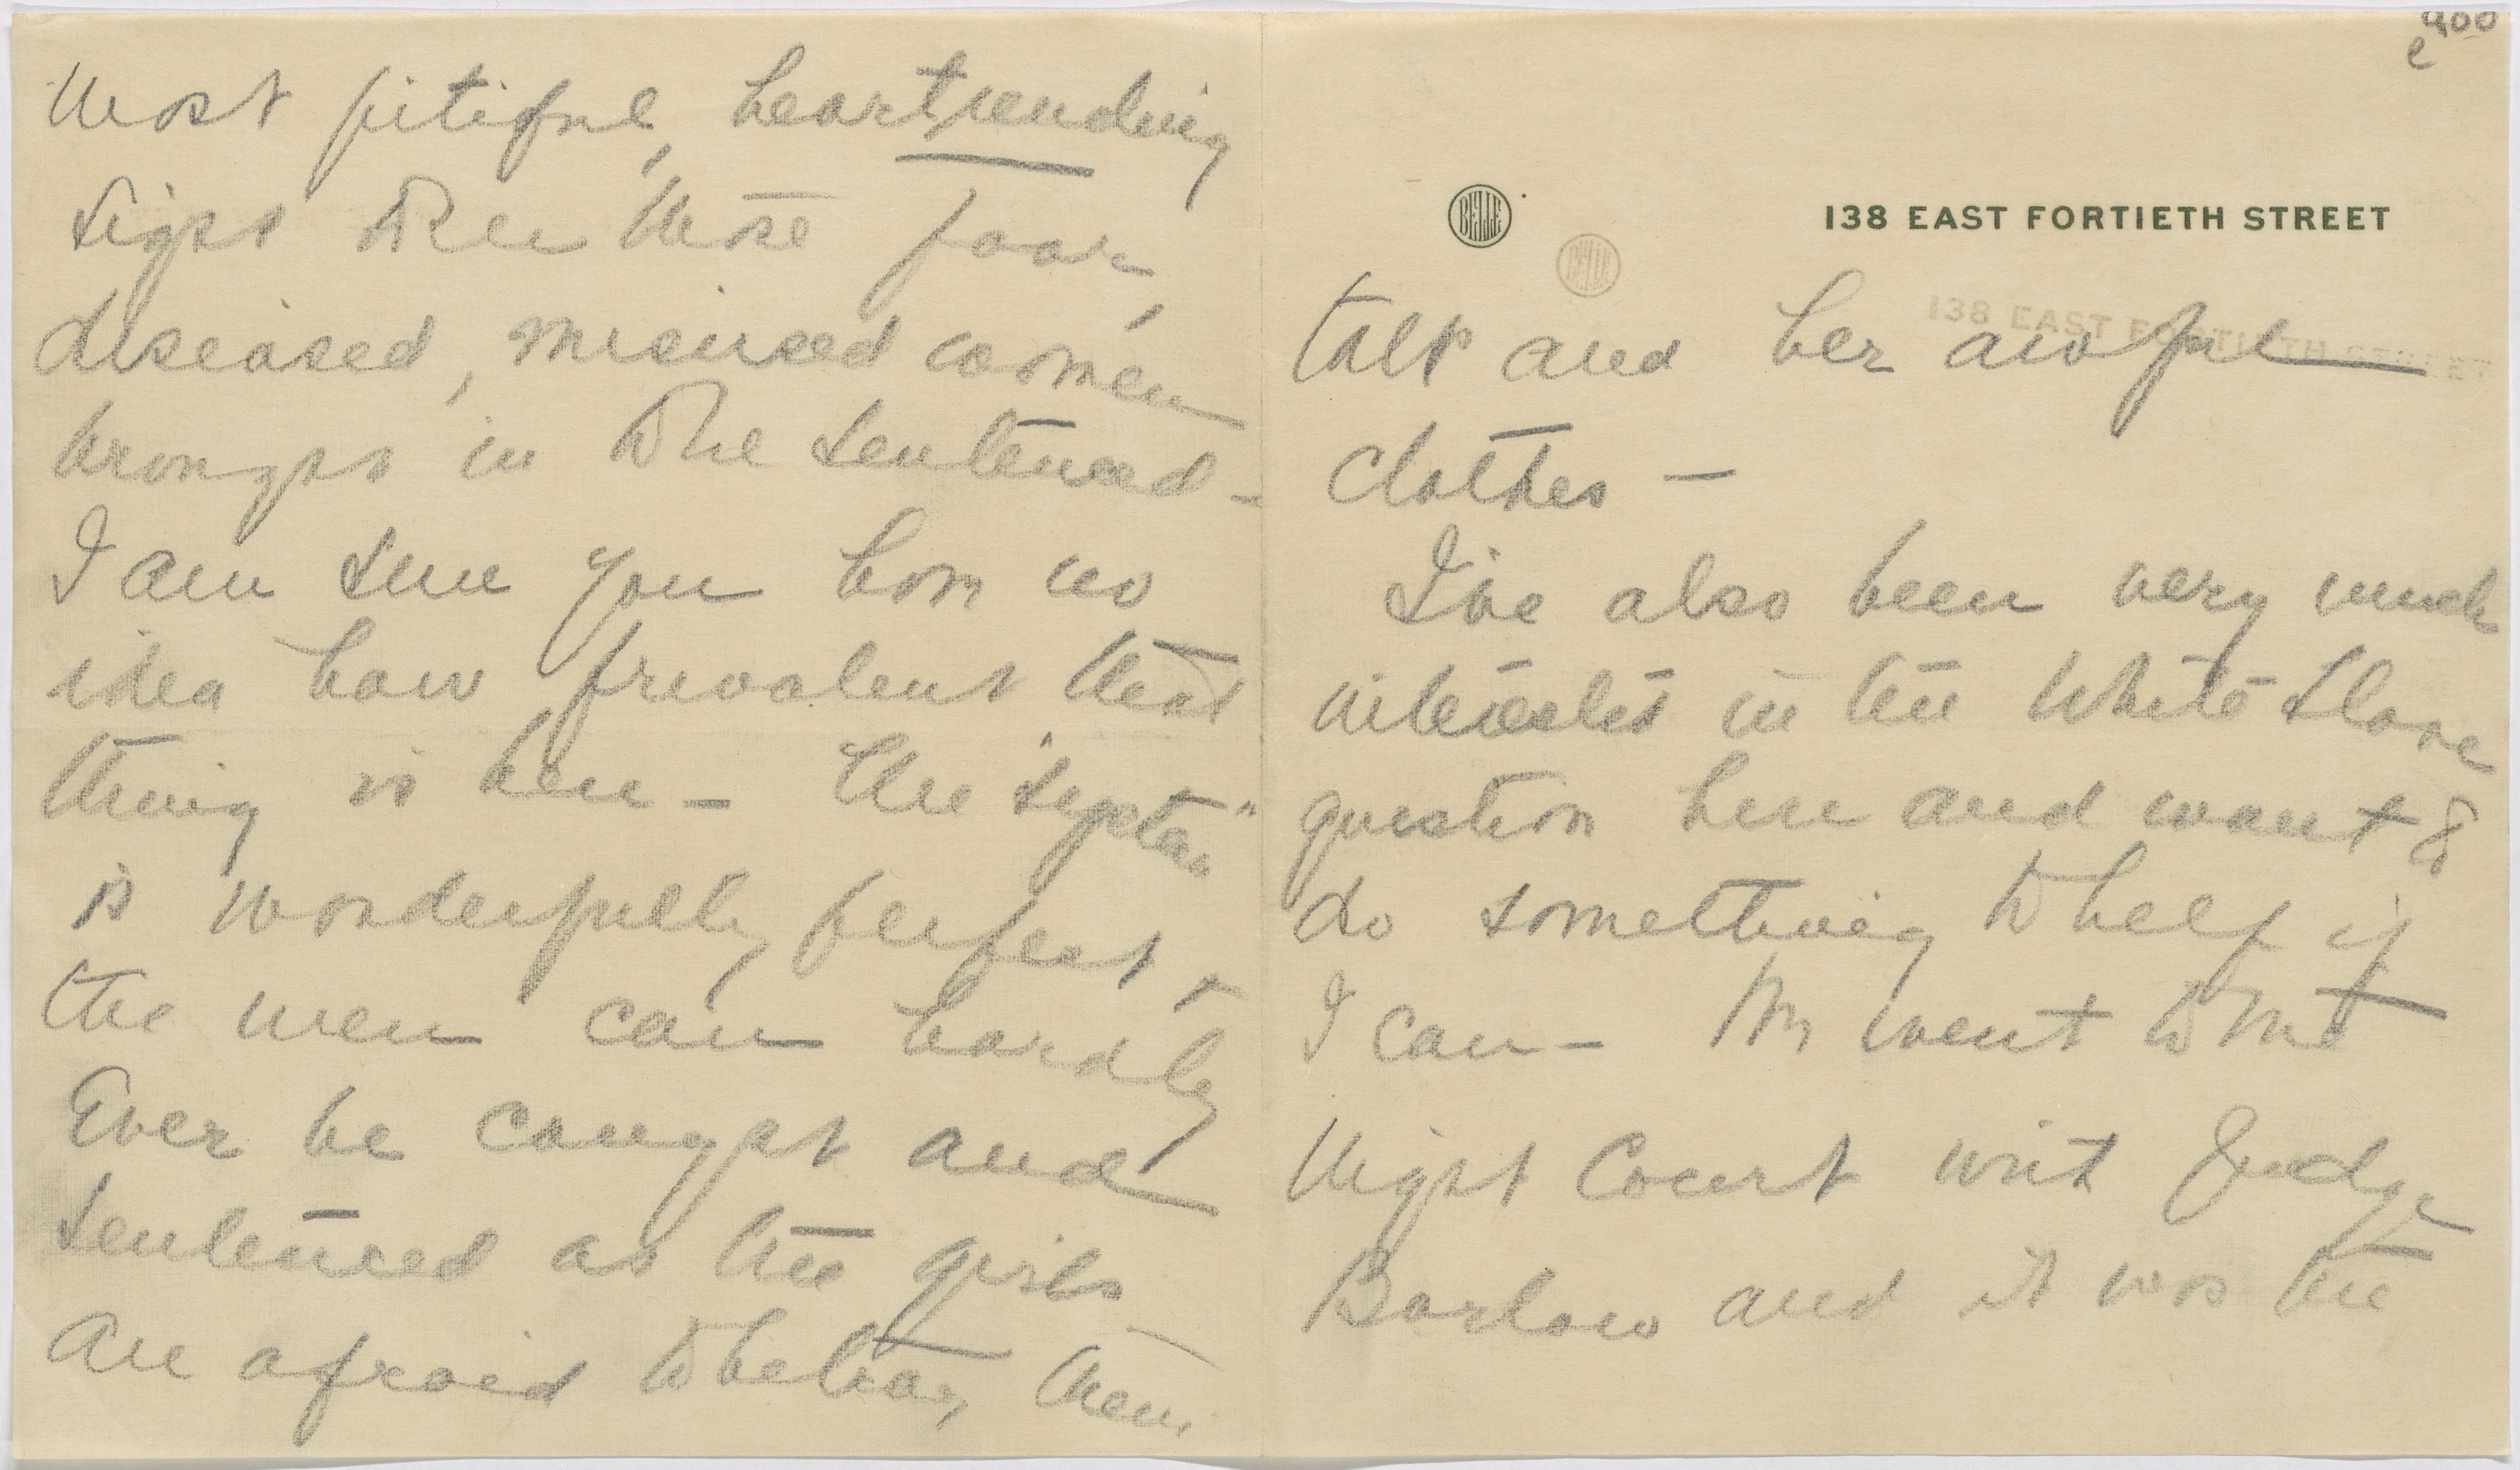talk and her awful clothes –
I’ve also been very interested in the White Slave question here and want to do something to help if I can – We went to the Night Court with Judge Barlow and it was the
most pitiful, heartrending sight to see those poor, diseased, misused women brought in to be sentenced – I am sure you have no idea how prevalent that thing is here – the “system” is wonderfully perfect & the men can hardly ever be caught and sentenced as the girls are afraid to betray them